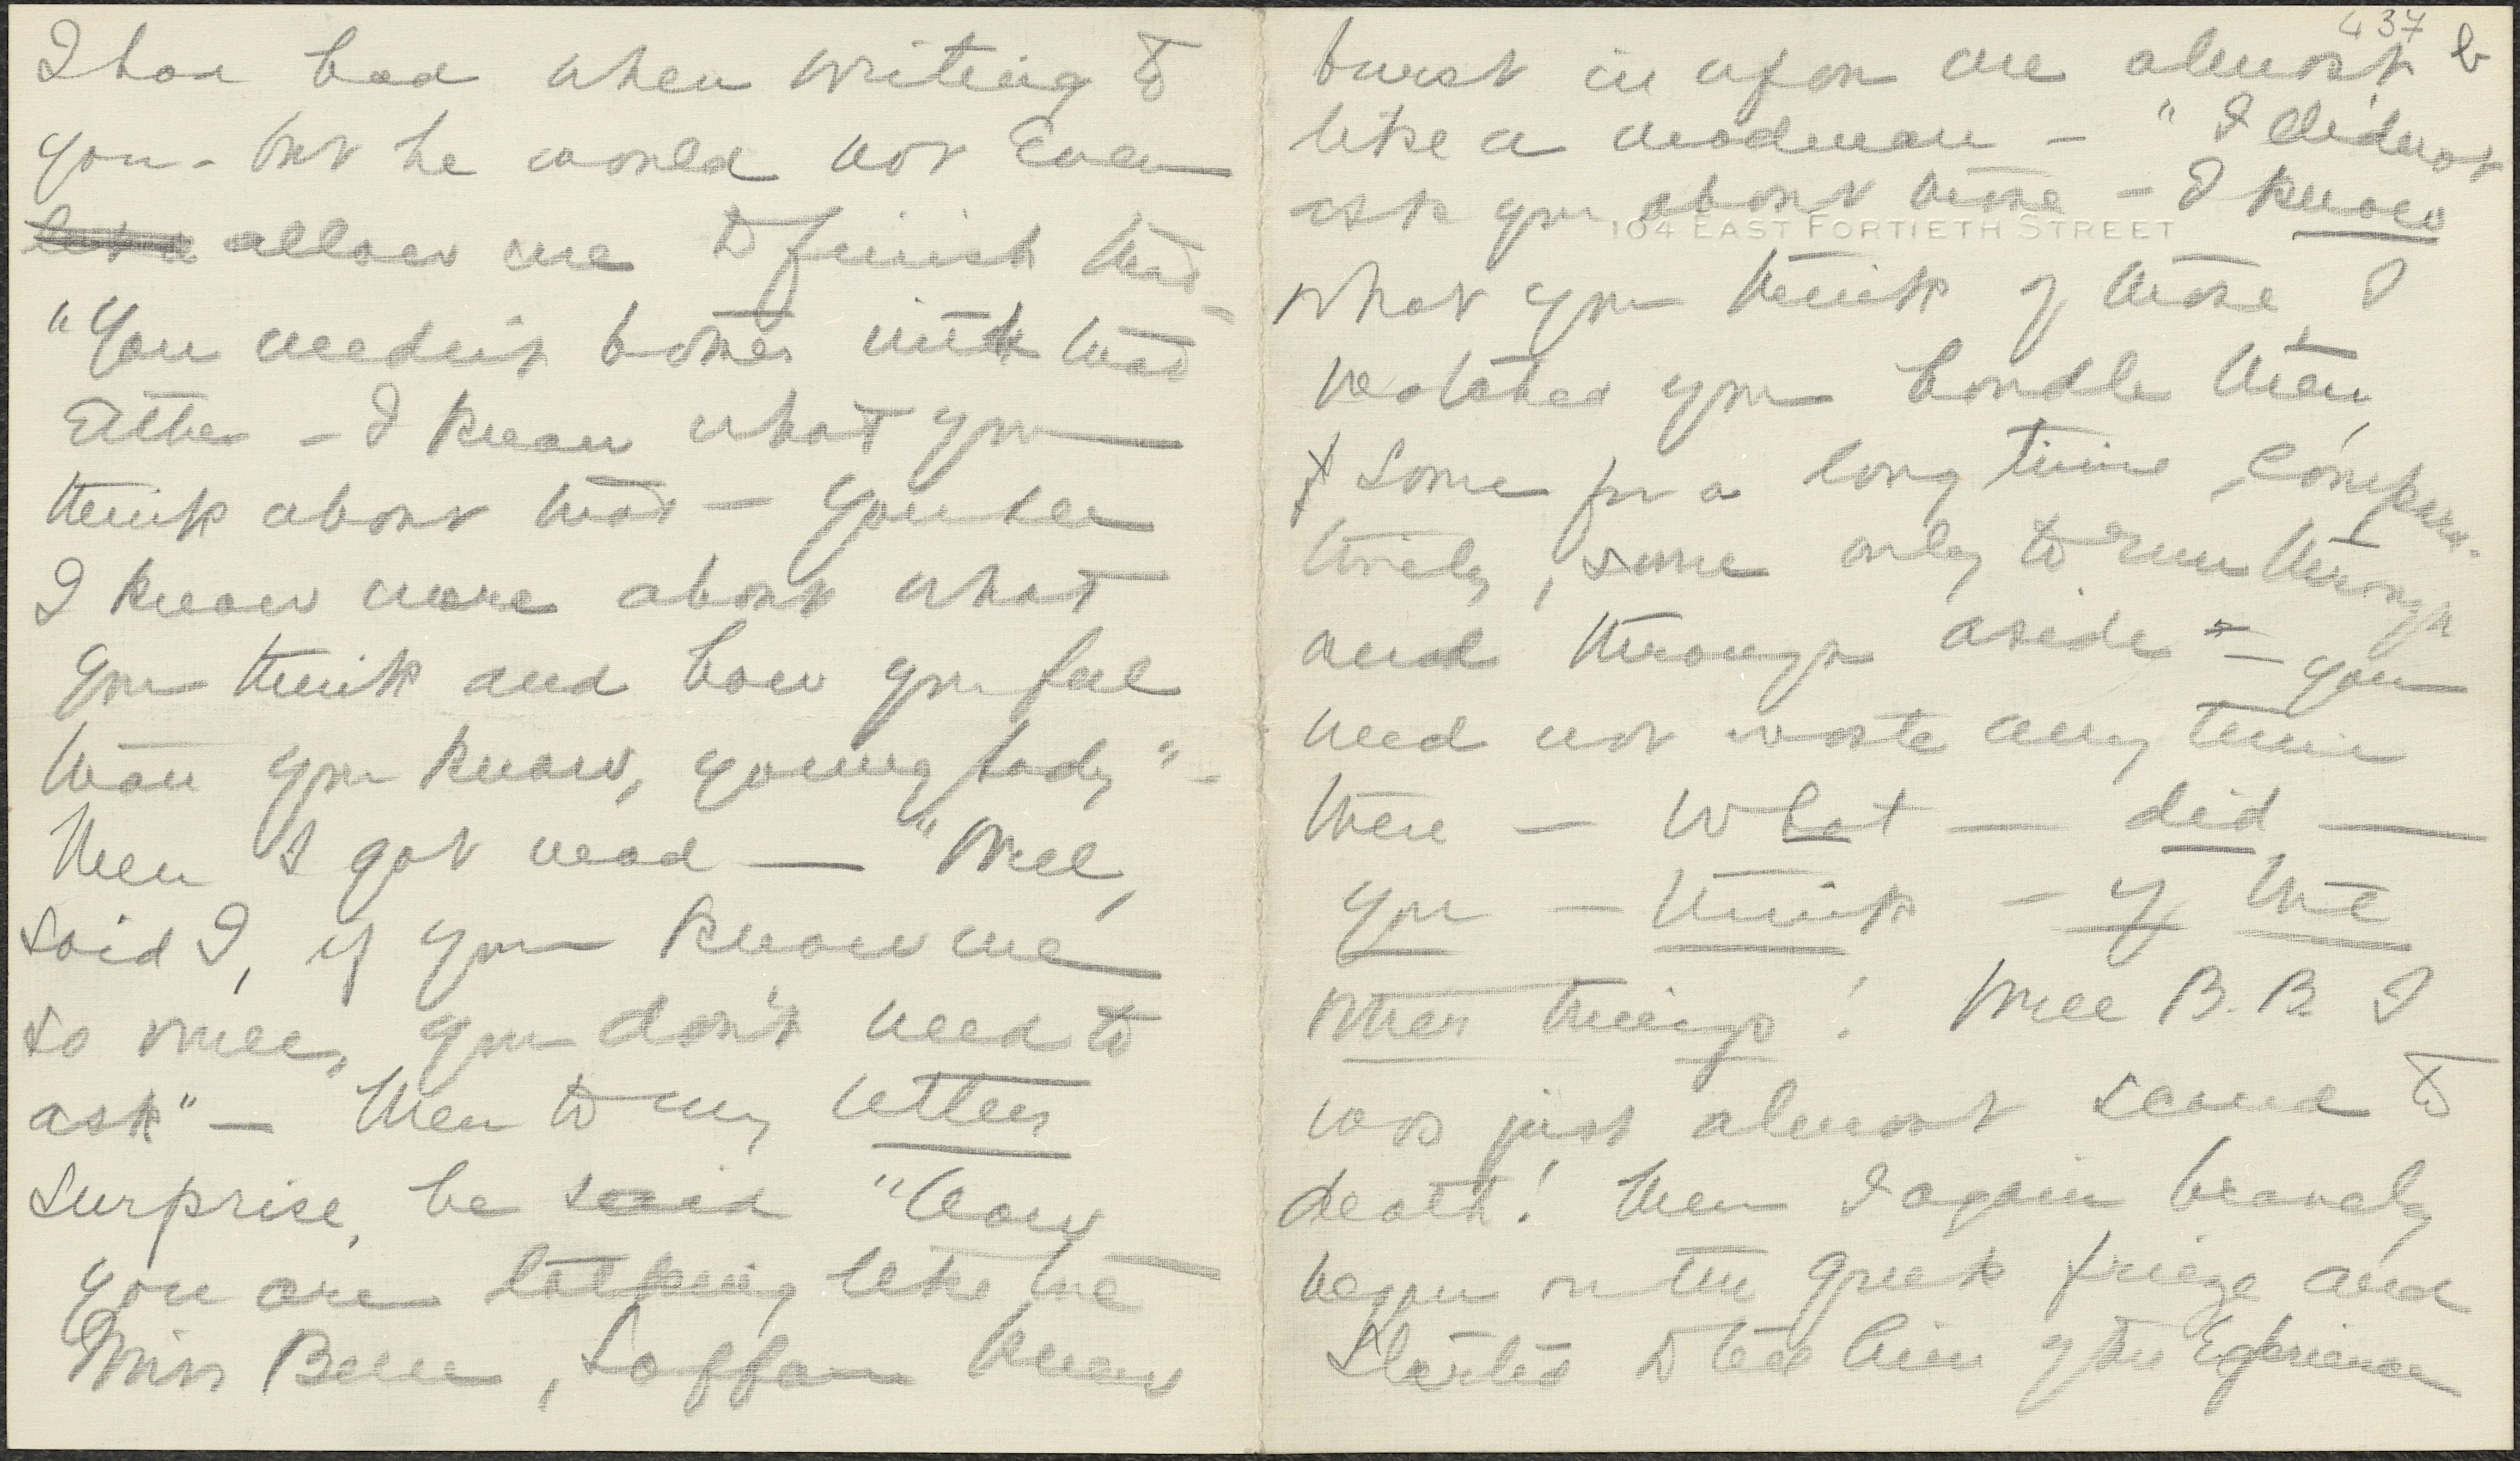burst in upon me almost like a madman – “I did not ask you about those – I know what you think of those, I watched you handle them, some for a long time, comparatively, some only to run through and through aside – you need not waste any time there – what – did – you – think – of the other things! Well B.B. I was just almost scared to death! Then I again bravely began on the greek frieze and started to tell him of the experience
I had had when writing to you – but he would not even let a allow me to finish that – “You needn’t bother with that either – I know what you think about that – you see I know more about what you think and how you feel than you know, young lady” – Then I got mad – “Well, said I, if you know me so well, you don’t need to ask” – then to my utter surprise, he said “Now you are talking like the Miss Belle Laffan knew